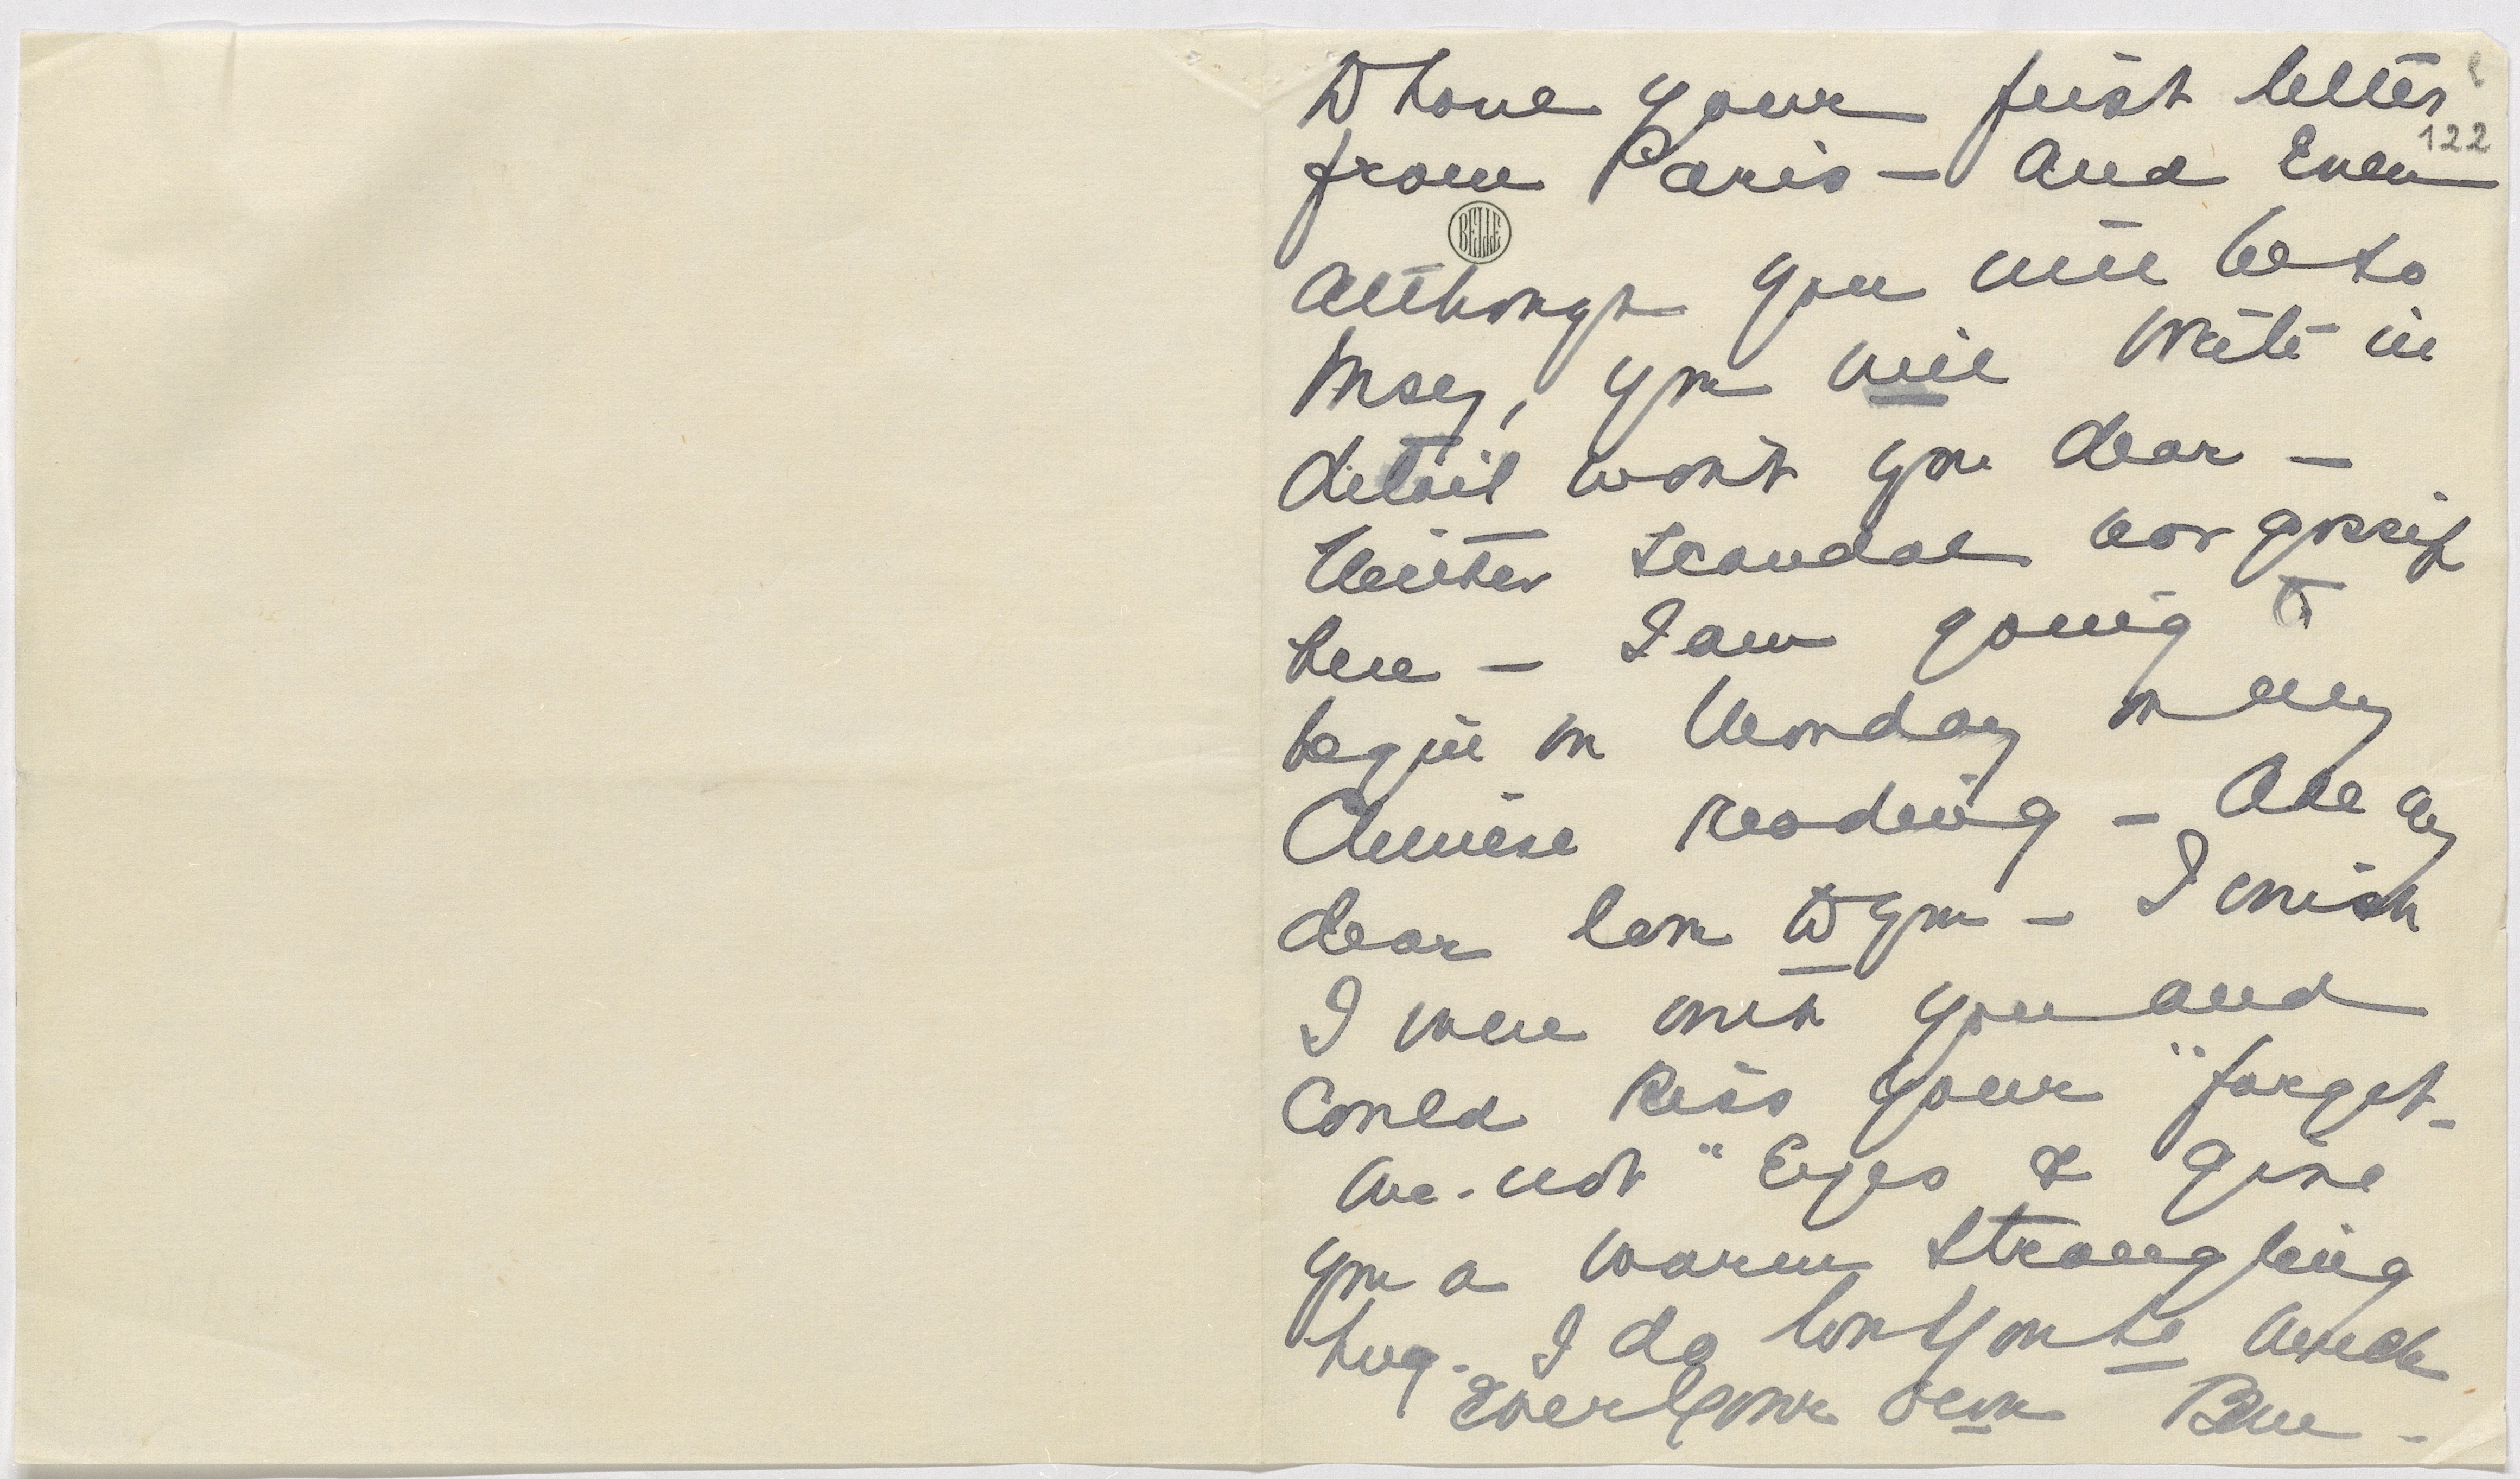to have your first letter from Paris – and even although you will be so busy, you will write in detail won't you dear – Neither scandal nor gossip here – I am going to begin on Monday on my Chinese reading – All my dear love to you – I wish I were with you and could kiss your “forget-me-not” eyes & give you a warm strangling hug – I do love you so much. Ever your own Belle